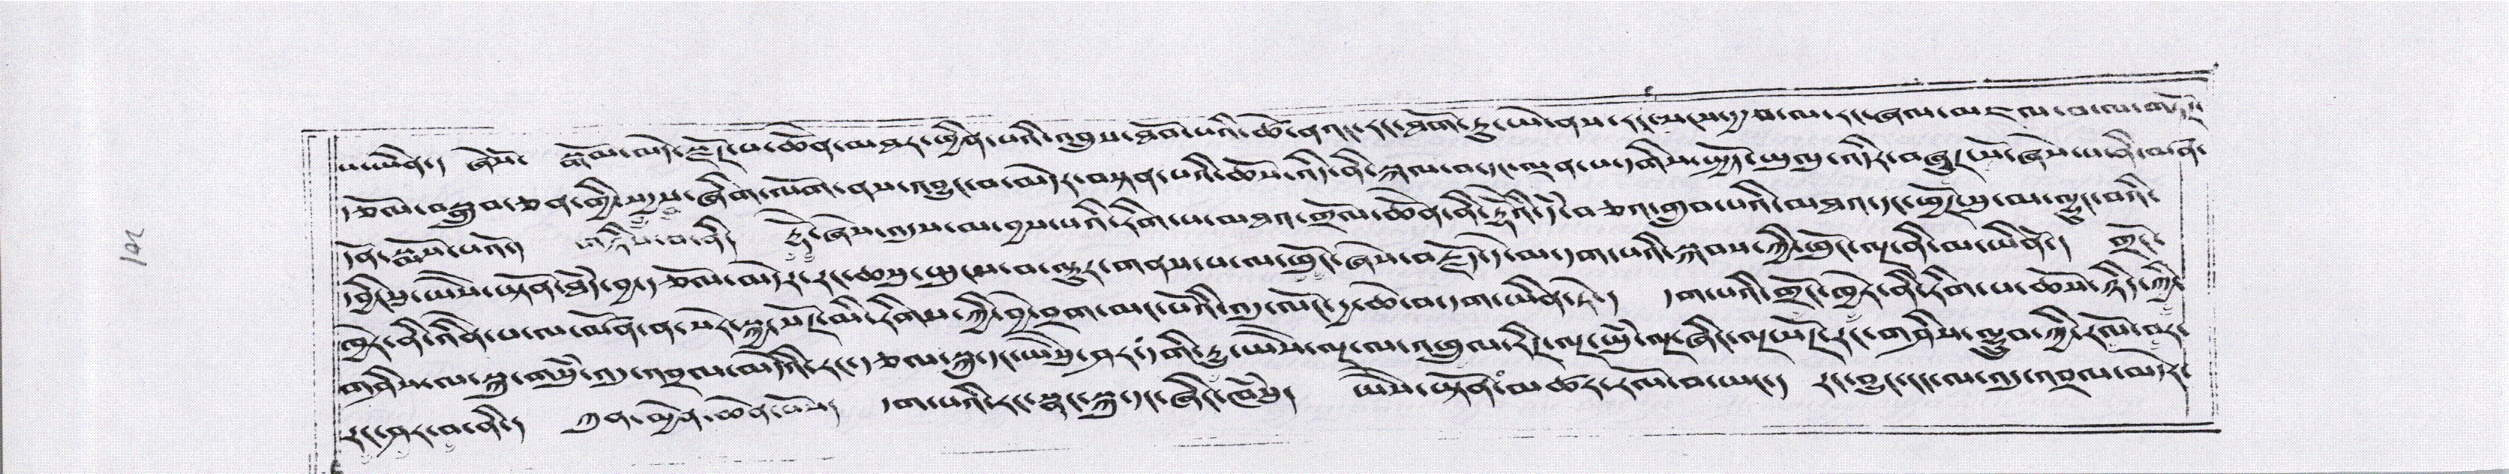པ་ཡིན། སྒོམ་མེད་རྫོགས་པ་ཆེན་པོ་མཐར་ཕྱིན་པའི་འབྲས་བུ་ཐོབ་པའི་ཚེ་ནའང་རང་ཐོག་ཏུ་ཡེ་ནས་རང་སངས་རྒྱས་པ་ལ་རང་ཞལ་མཇལ་བ་མ་གཏོགས་
རྩོལ་སྒྲུབ་ཅན་གྱི་སངས་རྒྱས་ཤིག་ལོགས་ན་འབྱུང་བ་མེད་པར་བསྟན་པའི་ཆོས་འདི་ནི་སྐལ་པ་དང་ལྡན་པ་དག་གི་སྤྱོད་ཡུལ་དུ་འདིར་བཞུགས་སོ་ཞེས་པ་ནི་མཚན་
དོན་སྨོས་པའོ། རྡོ་རྗེ་ཞེས་འདུས་མ་བྱས་པའི་རིག་པ་མཐའ་གྲོལ་ཆེན་པོ་ནི་རྡོ་རྗེའི་དམ་བཅའ་གྲུབ་པའི་མཐའ་དང་ཕྱོགས་སུ་མ་ལྷུང་བའི་
དབྱིངས་སུ་ཡེ་ཤེས་ཡོན་ཏན་ཐམས་ཅད་བྱ་རྩོལ་མེད་པར་རང་ཆས་སུ་སྤུངས་པ་ལྟ་བུར་གནས་པ་ལ་ཕུང་པོ་ཞེས་བརྗོད་དེ་མ་དག་པའི་སྐབས་ཀྱི་ཕུང་པོ་ལྔ་ནི་མ་ཡིན་ནོ། གྲོང་
ཁྱེར་ནི་འཇིག་རྟེན་པ་ལ་མཚོན་ན་སེར་སྐྱ་སོགས་མི་རིགས་ཀྱི་བྱེ་བྲག་མང་པོའི་འདུ་ལོང་རྒྱ་ཆེ་བ་དག་ཡིན་ཏེ། དག་པའི་གྲོང་ཁྱེར་ནི་རིག་པ་ཆོས་ཉིད་ཀྱི་
གཤིས་ལ་སྐུ་གསུམ་འདུ་འབྲལ་མེད་པའི་སྐུ་དང་ཡེ་ཤེས་སུ་ཤར་དག་གི་རྒྱུ་ཡེ་ཤེས་ལྔ་ལ་འཕྲུལ་རིགས་ལྔ་ཡུམ་ལྔ་ཞིང་ལྔ་སོགས་རང་གཤིས་ལྷུན་གྲུབ་ཀྱི་རོལ་པར་
རང་ཤར་བ་ནི། ཀུན་མཁྱེན་ཆེན་པོས། དག་པའི་རང་སྣང་སྐུ་དང་ཞིང་ཁམས་སུ། ཡེ་ཤེས་ཡོན་ཏན་༼ངོ༽མཚར་རོལ་པ་ཡང་། རང་བྱུང་ངང་ལ་འདུ་འབྲལ་མེད་པར་